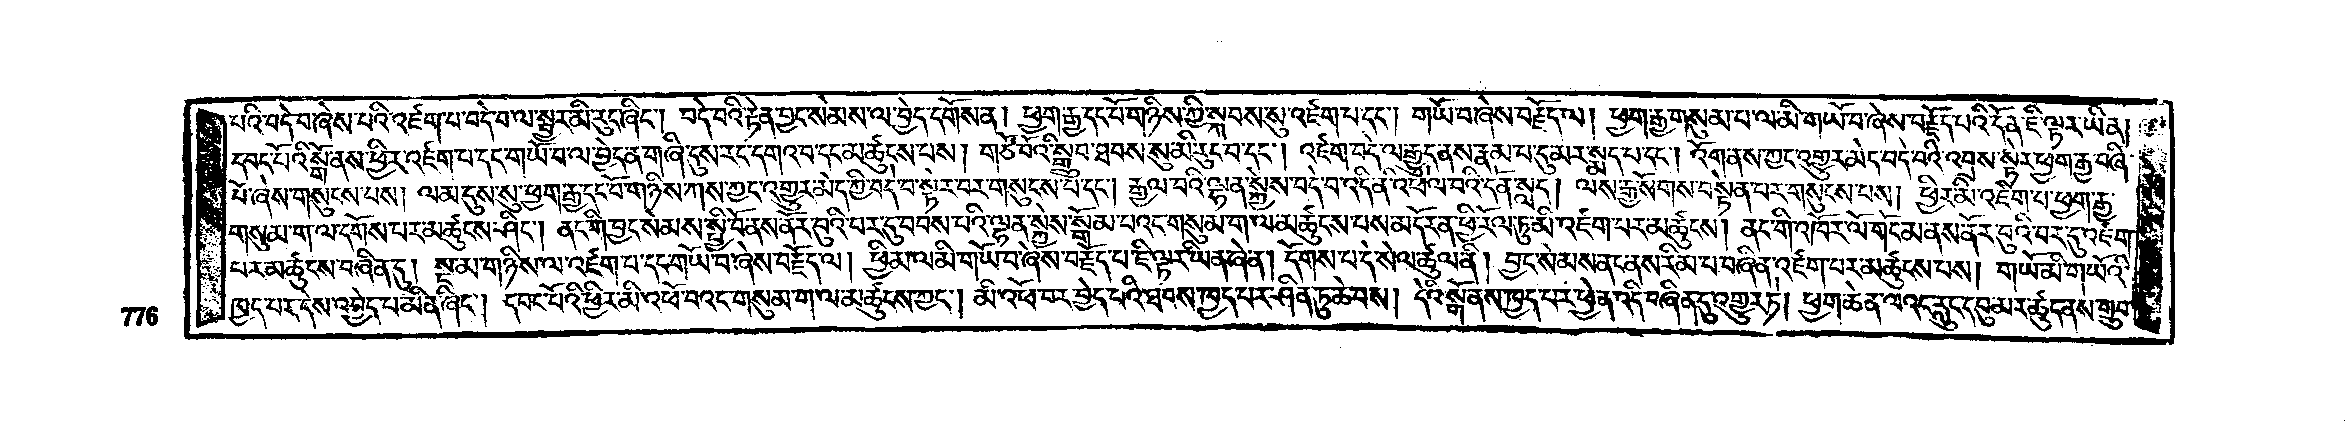པའི་བདེ་བ་ཞེས་པའི་འཛག་པ་བདེ་བ་ལ་སྦྱར་མི་རུང་ཞིང་། བདེ་བའི་རྟེན་བྱང་སེམས་ལ་བྱེད་དགོས་ན། ཕྱག་རྒྱ་དང་པོ་གཉིས་ཀྱི་སྐབས་སུ་འཛག་པ་དང་། གཡོ་བ་ཞེས་བརྗོད་ལ། ཕྱག་རྒྱ་གསུམ་པ་ལ་མི་གཡོ་བ་ཞེས་བརྗོད་པའི་དོན་ཇི་ལྟར་ཡིན།
དབང་པོའི་སྒོ་ནས་ཕྱིར་འཛག་པ་དང་གཡོ་བ་ལ་བྱེད་ན་གཞི་དུས་རང་དགའ་བ་དང་མཚུངས་པས། གཙོ་བོའི་སྒྲུབ་ཐབས་སུ་མི་རུང་བ་དང་། འཛག་བདེ་ལ་རྒྱུད་ནས་རྣམ་པ་དུ་མར་སྨད་པ་དང་། འོག་ནས་ཀྱང་འགྱུར་མེད་བདེ་བའི་འབྲས་སྟེར་ཕྱག་རྒྱ་བཞི་
པོ་ཞེས་གསུངས་པས། ལམ་དུས་སུ་ཕྱག་རྒྱ་དང་པོ་གཉིས་ཀས་ཀྱང་འགྱུར་མེད་ཀྱི་བདེ་བ་སྟེར་བར་གསུངས་པ་དང་། རྒྱལ་བའི་ལྷན་སྐྱེས་བདེ་བ་འདི་ནི་འཕེལ་བའི་དོན་སླད། ལས་རྒྱ་སོགས་བསྟེན་པར་གསུངས་པས། ཕྱིར་མི་འཛག་པ་ཕྱག་རྒྱ་
གསུམ་ག་ལ་དགོས་པར་མཚུངས་ཤིང་། ནང་གི་བྱང་སེམས་སྤྱི་བོ་ནས་ནོར་བུའི་བར་དུ་བབས་པའི་ལྷན་སྐྱེས་སྒོམ་པའང་གསུམ་ག་ལ་མཚུངས་པས་མདོར་ན་ཕྱི་རོལ་ཏུ་མི་འཛག་པར་མཚུངས། ནང་གི་འཁོར་ལོ་གོང་མ་ནས་ནོར་བུའི་བར་དུ་འཛག་
པར་མཚུངས་བཞིན་དུ། སྔ་མ་གཉིས་ལ་འཛག་པ་དང་གཡོ་བ་ཞེས་བརྗོད་ལ། ཕྱི་མ་ལ་མི་གཡོ་བ་ཞེས་བརྗོད་པ་ཇི་ལྟར་ཡིན་ཞེ་ན། དོགས་པ་དེ་སེལ་ཚུལ་ནི། བྱང་སེམས་ནང་ནས་རིམ་པ་བཞིན་འཛག་པར་མཚུངས་པས། གཡོ་མི་གཡོའི་
ཁྱད་པར་དེས་འབྱེད་པ་མིན་ཞིང་། དབང་པོའི་ཕྱིར་མི་འཕོ་བའང་གསུམ་ག་ལ་མཚུངས་ཀྱང་། མི་འཕོ་བར་བྱེད་པའི་ཐབས་ཁྱད་པར་ཤིན་ཏུ་ཆེ་བས། དེའི་སྒོ་ནས་ཁྱད་པར་ཕྱེ་ན་འདི་བཞིན་དུ་འགྱུར་ཏེ། ཕྱག་ཆེན་ལའང་རླུང་དབུ་མར་ཚུད་ནས་གྲུབ་